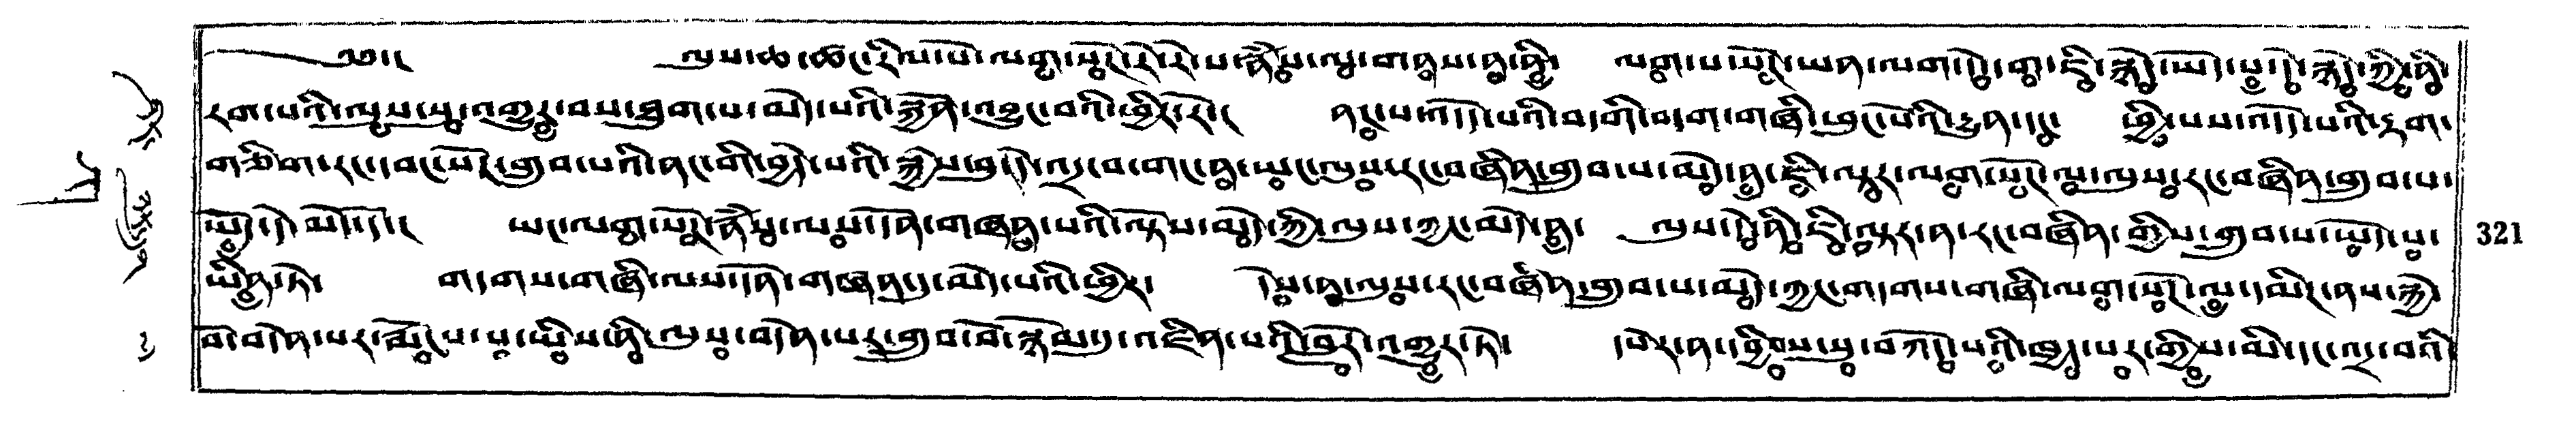ལུས་ཆ་ཚང་རིལ་པོ་ལག་སོགས་རེ་རེ་པ་རྣམས་ལ་གནས་ན་ནི། ལག་པ་སོགས་ཡན་ལག་དེ་དག་ཇི་སྙེད་ཡོད་པ་དེ་སྙེད་ཀྱིས་ནི་
རགས་པའི་ལུས་སུ་འགྱུར་བས་ཐུག་པ་མེད་པའི་སྐྱོན་འབྱུང་བའི་ཕྱིར་རོ།། ནང་པས་འདོད་པའི་བདག་གི་གདགས་གཞི་ཕུང་པོའི་རྒྱུན་དང་། ཕྱི་པས་འདོད་པའི་རྟག་
གཅིག་རང་དབང་སོགས་གྲུབ་པའི་ནང་གི་བྱེད་པའི་སྐྱེས་བུ་དེ་འདྲ་བ་གང་ན་ཡང་ལུས་རང་བཞིན་གྱིས་གྲུབ་པ་མེད་ན་ཇི་ལྟར་ལག་སོགས་ལ་ལུས་རང་བཞིན་གྱིས་གྲུབ་པ་
ཡོད་དེ་མེད་དོ།།ཡན་ལག་སོགས་རྣམས་ལས་དོན་གཞན་པའི་ལྟོས་མེད་ཀྱི་ལུས་ཀྱང་མེད་ན། ལུས་དེ་ནི་ཇི་ལྟར་ན་རང་བཞིན་གྱིས་གྲུབ་པ་ཡོད་པ་
ཡིན་ཏེ། གདགས་གཞི་ལས་དོན་གཞན་དུ་མེད་པའི་ཕྱིར། དེས་ན་ལུས་རང་བཞིན་གྱིས་གྲུབ་པ་མེད་ཀྱང་གདགས་གཞི་ལག་སོགས་ལ་དམིགས་ནས་སྐྱེ་
བོ་བདེན་པར་རྨོངས་པ་ཡིས་ནི་ལུས་བདེན་པར་གྲུབ་བོ་སྙམ་དུ་འཛིན་པའི་བློར་འགྱུར་ཏེ། དཔེར་ན་དབྱིབས་སུ་བཀོད་པའི་ཁྱད་པར་གྱིས་མི་དང་འདྲ་བའི་